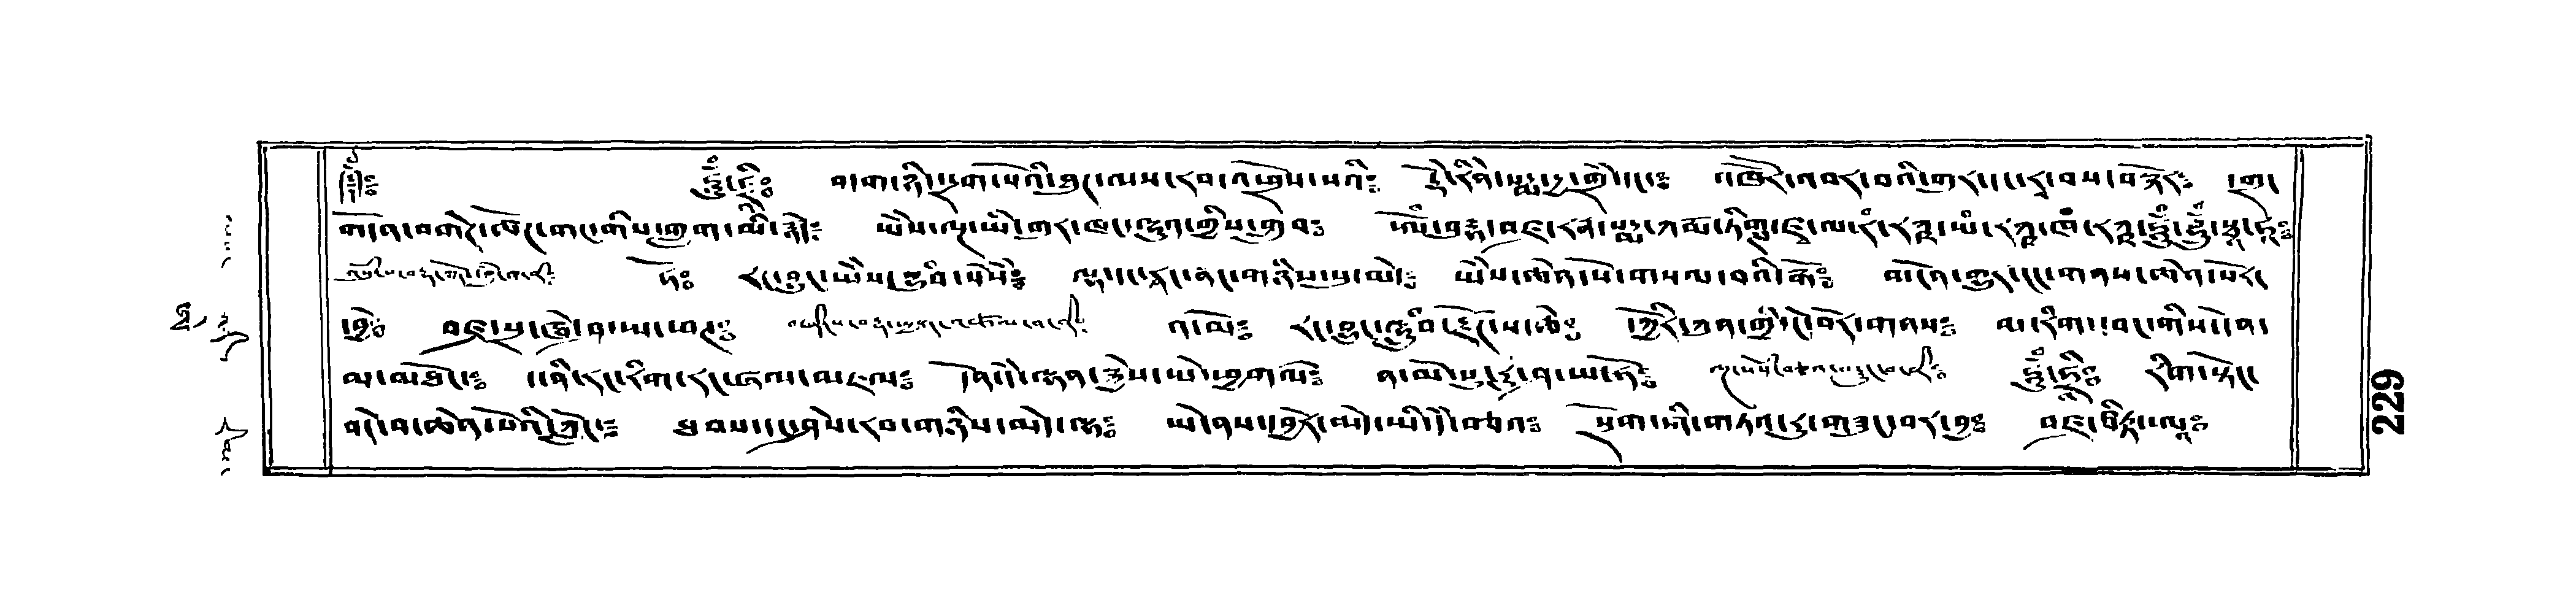ཧཱུྃ་ཧྲཱིཿ བདག་ཉིད་དྲག་པོའི་ཐུགས་ལས་རབ་འཕྲོས་པའི༔ རྡོ་རྗེ་རིན་ཆེན་པདྨ་རྒྱ་གྲམ་དང༔ འཁོར་ལོ་འབར་བའི་གུར་དང་རྭ་བས་བསྐོར༔ དགྲ་
གདོན་བགེགས་ཚོགས་གང་གིས་གླགས་མི་རྙེད༔ ཡེ་ཤེས་ལྔ་ཡི་གུར་ཁང་ལྷུན་གྱིས་གྲུབ༔ ཡེ་ཤེས་བུདྡྷ་བཛྲ་རཏྣ་པདྨ་ཀརྨ་ཏིག་ཎ་ཛྭ་ལ་རཾ་རཀྵ་ཡཾ་རཀྵ་ཁཾ་རཀྵཧཱུྃ་བྷྲཱུྃ་སྭཱ་ཧཱ༔ 
གསུམ་པ་བརྡ་སྒོ་དབྱེ་བ་ནི༔ ཧོཿ རང་བྱུང་ཡེ་ཤེས་བྱང་ཆུབ་སེམས༔ ལྷ་དང་རང་སྣང་གཉིས་སུ་མེད༔ ཡེ་ཤེས་ཆེན་པོ་གསལ་བའི་སྒོ༔ མངོན་གྱུར་ངང་གནས་ཆེན་པོར་
དབྱེ༔བཛྲ་པྲ་ཝེ་ཤ་ཡ་ཕཊ༔ བཞི་པ་བརྡ་ཕྱག་འཚལ་བ་ནི༔ ན་མོ༔ རང་བྱུང་ལྷུན་གྲུབ་རྫོགས་པ་ཆེ༔ དཀྱིལ་འཁོར་ཀུན་གྱི་ངོ་བོར་གནས༔ མ་རིག་དབང་གིས་དོན་
མ་མཐོང༔ ད་ནི་རང་རིག་རང་ཞལ་མཇལ༔ དོན་དམ་ལྷན་སྐྱེས་ཡེ་ཕྱག་འཚལ༔ ན་མོ་པུ་རུ་ཤ་ཡ་ཧོ༔ ལྔ་པ་དམ་བཅའ་གཟུང་བ་ནི༔ ཧཱུྃ་ཧྲཱིཿ རིག་སྟོང་
བདེ་བ་ཆེན་པོའི་ཀློང༔ ཐབས་དང་ཤེས་རབ་གཉིས་མེད་ལྷ༔ ཡེ་ནས་དབྱེར་མེད་ཡི་དམ་བཅའ༔ སྲོག་གི་གཏའ་རུ་གཟུང་བར་བྱ༔ བཛྲ་ཙིཏྟ་ཨཱཿ